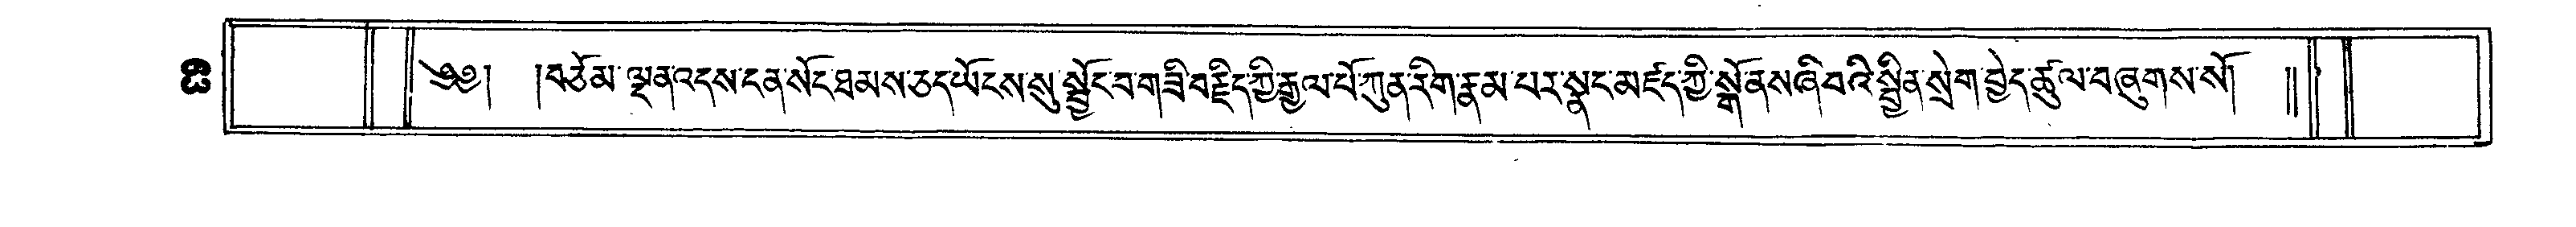༄༅། །བཅོམ་ལྡན་འདས་ངན་སོང་ཐམས་ཅད་ཡོངས་སུ་སྦྱོང་བ་གཟི་བརྗིད་ཀྱི་རྒྱལ་པོ་ཀུན་རིག་རྣམ་པར་སྣང་མཛད་ཀྱི་སྒོ་ནས་ཞི་བའི་སྦྱིན་སྲེག་བྱེད་ཚུལ་བཞུགས་སོ། །